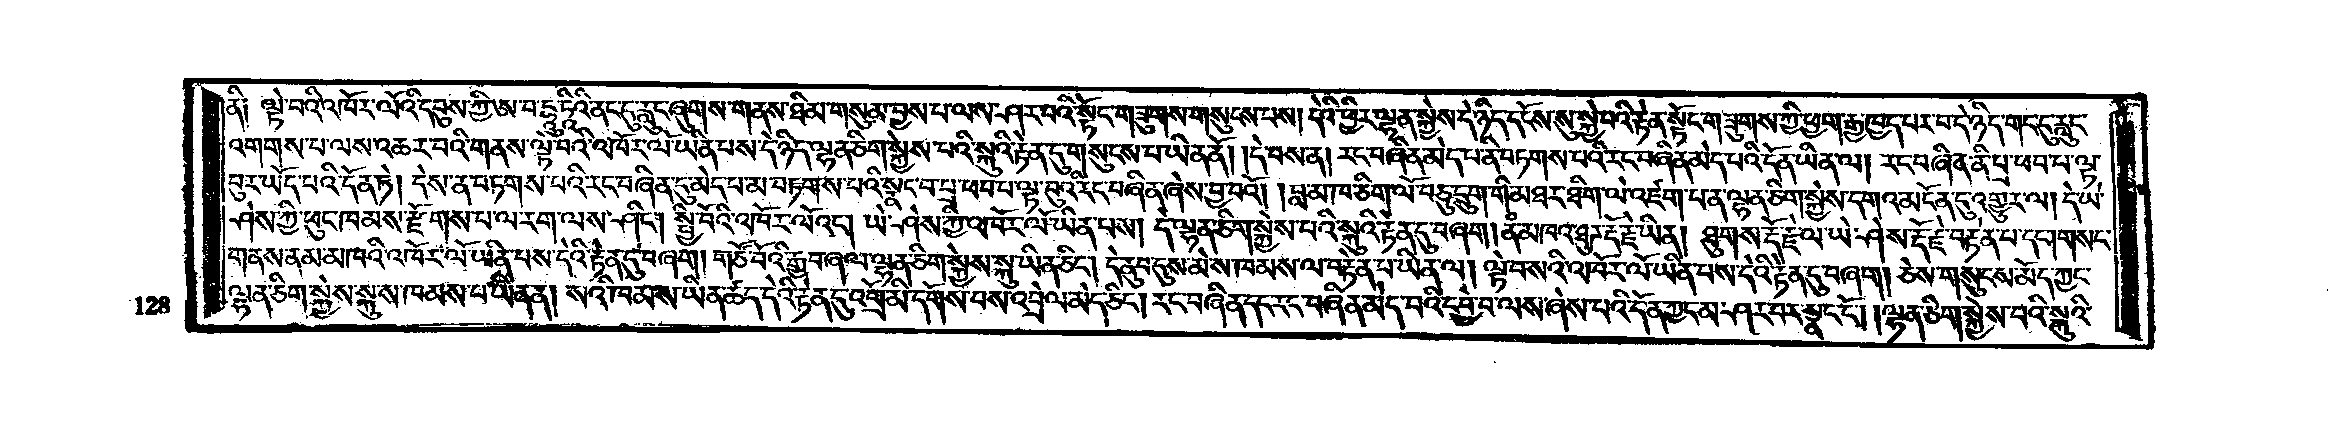ནི། ལྟེ་བའི་འཁོར་ལོའི་དབུས་ཀྱི་ཨ་བ་དྷཱུ་ཏཱིའི་ནང་དུ་རླུང་ཞུགས་གནས་ཐིམ་གསུམ་བྱས་པ་ལས་ཤར་བའི་སྟོང་གཟུགས་གསུངས་པས། དེའི་ཕྱིར་ལྷན་སྐྱེས་དེ་ཉིད་དངོས་སུ་སྐྱེ་བའི་རྟེན་སྟོང་གཟུགས་ཀྱི་ཕྱག་རྒྱ་ཁྱད་པར་བ་དེ་ཉིད་གང་དུ་རླུང་
འགགས་པ་ལས་འཆར་བའི་གནས་ལྟེ་བའི་འཁོར་ལོ་ཡིན་པས་དེ་ཉིད་ལྷན་ཅིག་སྐྱེས་པའི་སྐུའི་རྟེན་དུ་གསུངས་པ་ཡིན་ནོ། །དེ་བས་ན། རང་བཞིན་མེད་པ་ནི་བཏགས་པའི་རང་བཞིན་མེད་པའི་དོན་ཡིན་ལ། རང་བཞིན་ནི་པྲ་ཕབ་པ་ལྟ་
བུར་ཡོད་པའི་དོན་ཏེ། དེས་ན་བཏགས་པའི་རང་བཞིན་དུ་མེད་པ་མ་བཏགས་པའི་སྣང་བ་པྲ་ཕབ་པ་ལྟ་བུའི་རང་བཞིན་ཞེས་བྱ་བའོ། །བླ་མ་ཁ་ཅིག་ལོ་བཅུ་དྲུག་གི་མཐར་ཐིག་ལེ་འཛག་པ་ན་ལྷན་ཅིག་སྐྱེས་དགའ་མངོན་དུ་འགྱུར་ལ། དེ་ཡེ་
ཤེས་ཀྱི་ཕུང་ཁམས་རྫོགས་པ་ལ་རག་ལས་ཤིང་། སྤྱི་བོའི་འཁོར་ལོའང་། ཡེ་ཤེས་ཀྱི་འཁོར་ལོ་ཡིན་པས། དེ་ལྷན་ཅིག་སྐྱེས་པའི་སྐུའི་རྟེན་དུ་བཞག །ནམ་མཁའ་ཐུགས་རྡོ་རྗེ་ཡིན། ཐུགས་རྡོ་རྗེ་ལ་ཡེ་ཤེས་རྡོ་རྗེ་བརྟེན་པ་དང་། གསང་
གནས་ནམ་མཁའི་འཁོར་ལོ་ཡིན་པས་དེའི་རྟེན་དུ་བཞག །གཙོ་བོའི་རྒྱབ་ཞལ་ལྷན་ཅིག་སྐྱེས་སྐུ་ཡིན་ཅིང་། དེ་ནུབ་དུས་མེ་ས་ཁམས་ལ་བརྟེན་པ་ཡིན་ལ། ལྟེ་བ་སའི་འཁོར་ལོ་ཡིན་པས་དེའི་རྟེན་དུ་བཞག །ཅེས་གསུངས་མོད་ཀྱང་
ལྷན་ཅིག་སྐྱེས་སྐུ་ས་ཁམས་པ་ཡིན་ན། སའི་ཁམས་ཡིན་ཚད་དེའི་རྟེན་དུ་འགྲོ་མི་དགོས་པས་འབྲེལ་མེད་ཅིང་། རང་བཞིན་དང་རང་བཞིན་མེད་པའི་དབྱེ་བ་ལས་ཞེས་པའི་དོན་ཀྱང་མ་ཤར་བར་སྣང་ངོ། །ལྷན་ཅིག་སྐྱེས་པའི་སྐུའི་